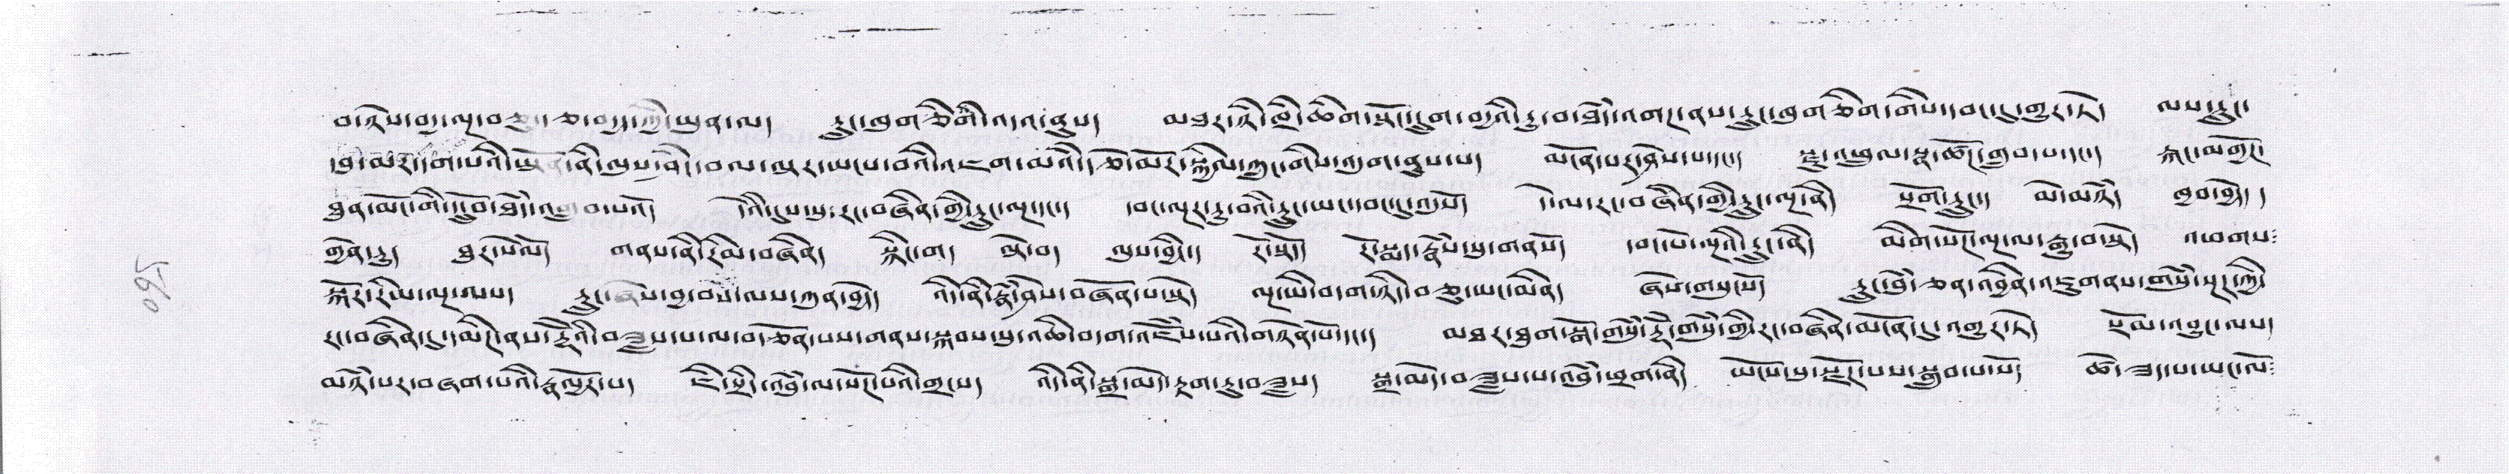བ་ཉིས་བརྒྱ་ལྔ་བཅུ་རྩ་བརྒྱད་ཀྱི་ཡུན་ལ། རླུང་ཁུག་གཅིག་གིས་འདའ་ནུས། མཐར་ཉི་ཁྲི་ཆིག་སྟོང་དྲུག་བརྒྱའི་རྒྱུ་བ་ཐམས་ཅད་འགགས་ནས་རླུང་ཁུག་གཅིག་གི་དབང་དུ་གྱུར་ཏེ། ལས་རླུང་
དབུ་མར་དག་པའི་ཡོན་ཏན་ནི། ལུས་ཤིང་བལ་ལྟར་ཡང་བས་འཇག་མའི་རྩེ་མོར་སྐྱིལ་ཀྲུང་གིས་འདུག་ནུས་པ། མངོན་པར་ཤེས་པ་དང་རྫུ་འཕྲུལ་སྣ་ཚོགས་གྲུབ་པ་དང་། རྐང་མགྱོགས་
ཐུན་མོང་གི་དངོས་གྲུབ་ཐམས་ཅད་འགྲུབ་པའོ། དེའི་དུས་སུ་རང་བཞིན་གྱི་རླུང་ལྔ་དང་། དབང་ལྔར་རྒྱུ་བའི་རླུང་ཡང་དབང་དུ་འདུས་སོ། དེ་ལ་རང་བཞིན་གྱི་རླུང་ལྔ་ནི། སྲོག་རླུང་། མེ་མཉམ། ཁྱབ་བྱེད། 
གྱེན་རྒྱུ། ཐུར་སེལ་ལོ། གནས་ནི་རིམ་བཞིན། སྙིང་ག ལྟེ་བ། ལུས་བྱིང་རོ་སྟོད་རོ་སྨད་རྣམས་སུ་གནས་སོ། དབང་པོ་ལྔ་ཡི་རླུང་ནི། མིག་སོགས་ལྔ་ལ་རྒྱུ་བ་སྟེ། འཕགས་
སྐོར་རིམ་ལྔ་ལས། རླུང་ཞེས་བྱ་བས་ལས་ཀུན་བྱེད། འདི་ནི་རྣམ་ཤེས་བཞོན་པ་སྟེ། ལྔ་ཡི་བདག་ཉིད་བཅུ་ཡང་མིན། ཞེས་གསུངས་སོ། རླུང་བུམ་ཅན་འབྱིན་འཇུག་གནས་གསུམ་སྔགས་ཀྱི་
རང་བཞིན་དུ་དམིགས་ནས་རྡོ་རྗེའི་བཟླས་པ་ལ་བརྩོན་པས་གནས་སྐབས་སུ་འཆི་བདག་འཇོམས་པའི་གཉེན་པོ་དང་། མཐར་ཐུག་སྒོ་གསུམ་རྡོ་རྗེ་གསུམ་གྱི་རང་བཞིན་མངོན་དུ་གྱུར་ཏེ། སྡོམ་འབྱུང་ལས། 
མཉམ་པར་བཞག་པའི་རྣལ་འབྱོར་པ། ཇི་སྲིད་འབུམ་ལ་སོགས་པའི་གྲངས། འདི་ནི་སྒྲ་མེད་རྟག་ཏུ་བཟླས། སྒྲ་མེད་བཟླས་པ་འབུམ་ཕྲག་ནི། ཡོངས་སུ་རྫོགས་པས་སྒྲུབ་པ་པོ། ཚེ་ཟད་པ་ཡང་ལོ་